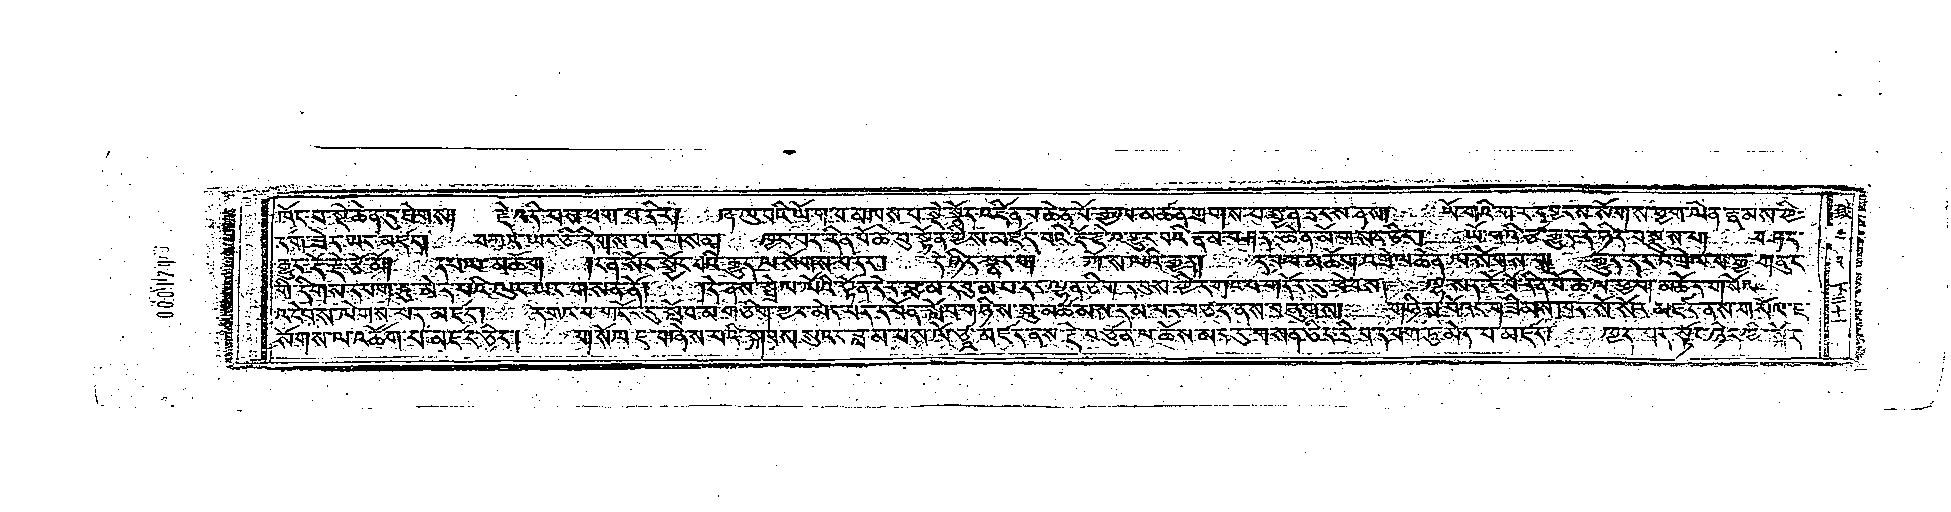ཁོང་པ་སྡེ་ཆེན་དུ་ཐེགས། རྗེ་འདི་པས་ཕག་པ་རིན། ཞ་ལུ་བའི་ཡོ་ག་པ་མཁས་པ་སྡེ་སྣོད་འཛིན་པ་ཆེན་པོ་རྒྱལ་མཚན་གྲགས་པ་སྤྱན་དྲངས་ནས། ཡོ་གའི་གར་དབྱངས་སོགས་ཕྱག་ལེན་རྣམས་ཀྱི་
དག་ཐེང་ཡང་མཛད། བཀའ་ཡང་ཅི་རིགས་པར་གསན། ཁྱད་བར་རིན་པོ་ཆེ་བུ་སྟོན་གྱིས་མཛད་པའི་རྡོ་རྗེ་འབྱུང་བའི་རྣམ་བཤད་ཆེན་མོ་གསན་ཅིང་། ཡོ་གའི་རྩ་རྒྱུད་དེ་ཉིད་བསྡུས་པ། བཤད་
རྒྱུད་རྡོ་རྗེ་རྩེ་མོ། དཔལ་མཆོག །ངན་སོང་སྦྱོང་བའི་རྒྱུད་ལ་སོགས་པ་དང་། དེ་ཉིད་སྣང་བ། ཀོ་ས་ལའི་རྒྱན། དཔལ་མཆོག་འགྲེལ་ཆེན་ལ་སོགས་པ། རྒྱུད་དང་འགྲེལ་བ་རྒྱུ་གནུད་
གི་རིགས་དཔག་ཏུ་མེད་པའི་ལུང་ཡང་གསན་ནོ། །དེ་ནས་སྤྲེལ་ལོའི་སྟོན་དེར་བླ་མ་དབུ་མ་པ་དང་ལྷན་ཅིག་དབུས་ཀྱི་དགའ་བ་གདོང་དུ་ཕེབས། ལྷ་སར་ཇོ་བོ་རིན་པོ་ཆེ་ལ་ཕྱག་མཆོད་གསོལ་
འདེབས་ལེགས་པར་མཛད། དགའ་བ་གདོང་དུ་སློབ་མ་གཅིག་ཀྱང་མེད་པར་དཔོན་སློབ་གཉིས་སྐུ་མཚམས་དམ་པར་བཙང་ནས་བཞུགས། གཉིས་པོའང་གཟིམས་ཁང་སོ་སོར་མཛད་ནས་གསོལ་ཇ་
སོགས་ལ་འཚོག་པ་མཛད་ཅིང་། གསོལ་ཇ་བཞེས་པའི་སྐབས་སུའང་བླ་མ་པས་ལོ་ཙཱ་མཛད་ནས་རྗེ་བཙུན་ལ་ཆོས་མང་དུ་གསན་ཅིང་དྲི་བ་དཔག་ཏུ་མེད་པ་མཛད། ཁྱད་པར་སྟོང་ཉིད་ཀྱི་སྐོར་